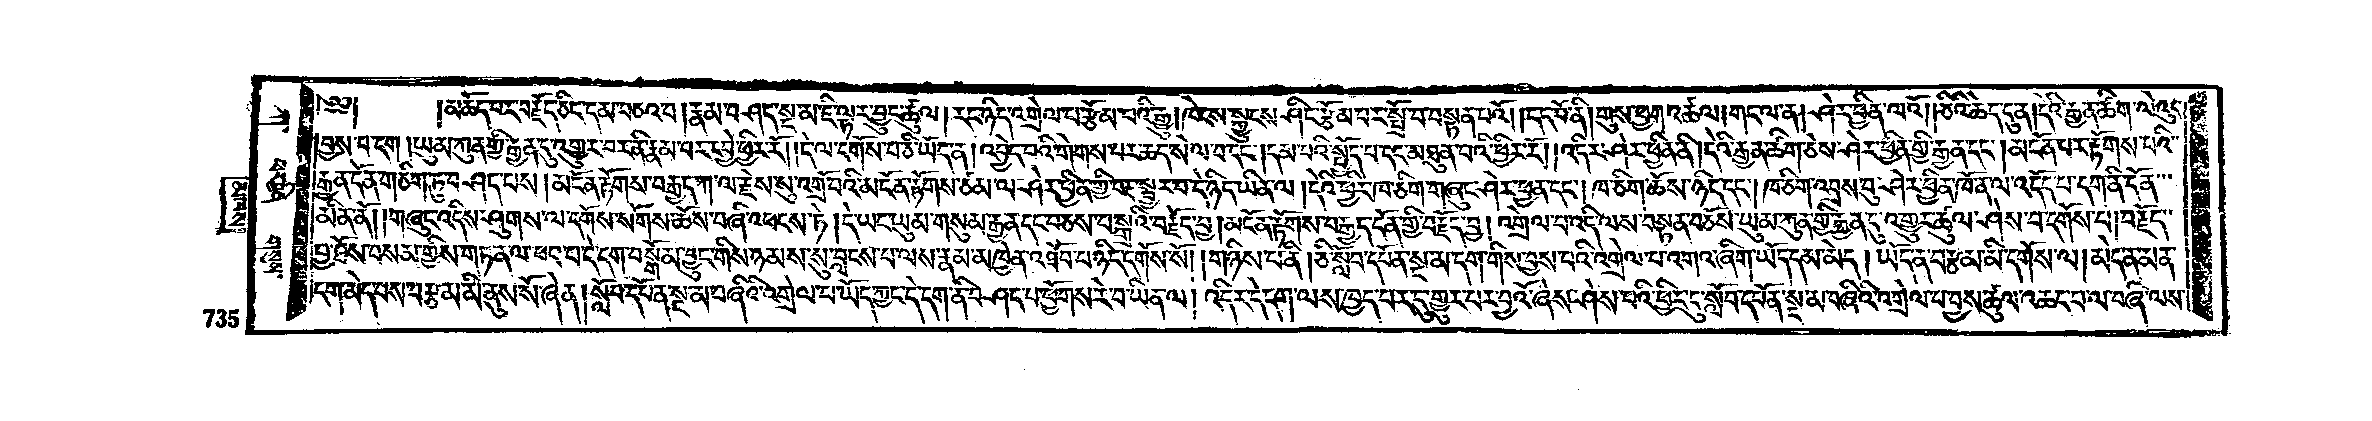༄༅། །མཆོད་པར་བརྗོད་ཅིང་དམ་བཅའ་བ། རྣམ་བཤད་སྔ་མ་ཇི་ལྟར་བྱུང་ཚུལ། རང་ཉིད་འགྲེལ་པ་རྩོམ་པའི་རྒྱུ། ཁེངས་སྐྱུངས་ཤིང་རྩོམ་པར་སྤྲོ་བ་བསྟན་པའོ། །དང་པོ་ནི། གུས་ཕྱག་འཚལ། གང་ལ་ན། ཤེར་ཕྱིན་ལའོ། །ཅིའི་ཆེད་དུ་ན། དེའི་རྒྱན་ཚིག་ལེའུར་
བྱས་པ་དག། ཡུམ་ཀུན་གྱི་རྒྱན་དུ་འགྱུར་བར་ནི་རྣམ་པར་དབྱེ་ཕྱིར་རོ། །དེ་ལ་དགོས་པ་ཅི་ཡོད་ན། འབྱེད་པའི་གེགས་བར་ཆད་སེལ་བ་དང་། དམ་པའི་སྤྱོད་པ་དང་མཐུན་པའི་ཕྱིར་རོ། །འདིར་ཤེར་ཕྱིན་ནི། དེའི་རྒྱན་ཚིག་ཅེས་ཤེར་ཕྱིན་གྱི་རྒྱན་དང་། མངོན་པར་རོགས་པའི་
རྒྱན་དོན་གཅིག་ཏུ་བཤད་པས། མངོན་རྟོགས་བརྒྱད་ཀ་ལ་རྗེས་སུ་འགྲོ་བའི་མངོན་རྟོགས་ཙམ་ལ་ཤེར་ཕྱིན་གྱི་བརྡ་སྦྱར་བ་དེ་ཉིད་ཡིན་ལ། དེའི་ཕྱིར་ཁ་ཅིག་གཞུང་ཤེར་ཕྱིན་དང་། ཁ་ཅིག་ཆོས་ཉིད་དང་ཁ་ཅིག་འབྲས་བུ་ཤེར་ཕྱིན་ཁོ་ན་ལ་འདོད་པ་དག་ནི་དོན་
མིན་ནོ། །གཞུང་འདིས་ཤུགས་ལ་དགོས་སོགས་ཆོས་བཞི་འཕངས་ཏེ་དེ་ཡང་ཡུམ་གསུམ་རྒྱན་དང་བཅས་པ་སྒྲའི་བརྗོད་བྱ། མངོན་རྟོགས་བརྒྱད་དོན་གྱི་བརྗོད་བྱ། འགྲེལ་པ་འདི་ལས་བསྟན་བཅོས་ཡུམ་ཀུན་གྱི་རྒྱན་དུ་འགྱུར་ཚུལ་ཤེས་པ་དགོས་པ། བརྗོད་
བྱ་ཐོས་བསམ་གྱིས་གཏན་ལ་ཕང་པ་དེ་དག་བསྒོམ་བྱུང་གིས་ཉམས་སུ་བླངས་པ་ལས་རྣམ་མཁྱོན་འཐོབ་པ་ཉིད་དགོས་སོ། །གཉིས་པ་ནི། ཅི་སློབ་དཔོན་སྔ་མ་དག་གིས་བྱས་པའི་འགྲེལ་པ་འགའྮིག་ཡོད་དམ་མེད། ཡོད་ན་བཙམ་མི་དགོས་ལ། མེད་ན་མན་
ངག་མེད་པས་བརྩམ་མི་ནུས་སོ་ཞེ་ན། སློབ་དཔོན་སྔ་མ་བཞིའི་འགྲེལ་པ་ཡོད་ཀྱང་དེ་དག་ནི་བཤད་པ་ཕྱོགས་རེ་བ་ཡིན་ལ། འདིར་དེ་དག་ལས་ཁྱད་པར་དུ་གྱུར་པར་བྱའོ་ཞེས་ཤེས་པའི་ཕྱིར་དུ་སློབ་དཔོན་སྔ་མ་བཞིའི་འགྲེལ་པ་བྱས་ཚུལ་འཆད་པ་ལ་བཞི་ལས་